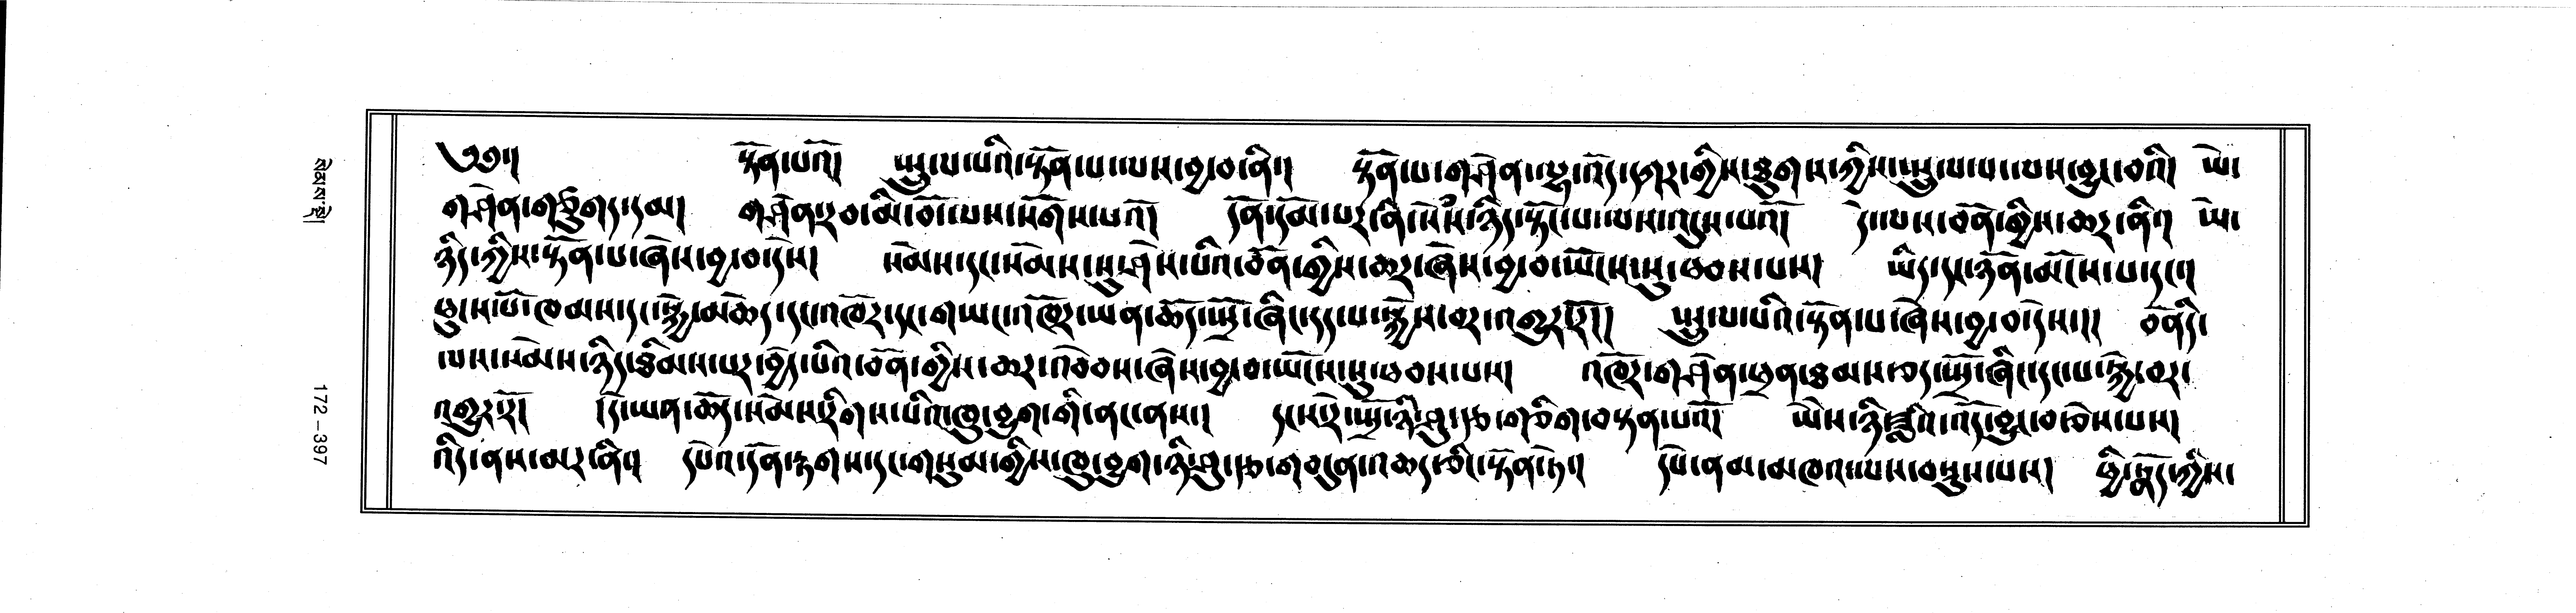སྟོན་པའོ། སྤྲུལ་པའི་སྟོན་པ་ལས་བྱ་བ་ནི། སྟོན་པ་གཤེན་ལྷ་འོད་དཀར་གྱིས་ཐུགས་ཀྱིས་སྤྲུལ་པ་ལས་བྱུང་བའི། ཡེ་
གཤེན་གཙུག་ཕུད་དམ། གཤེན་རབ་མི་བོ་ལས་སོགས་པའོ། དོན་དོམ་པར་ནི་སེམས་ཉིད་སྟོང་པ་ལས་འདུས་པའོ། དེ་ལས་བོན་གྱིས་ཆར་ནི། ཡེ་
ཉིད་ཀྱིས་སྟོན་པ་ཞེས་བྱ་བ་དེས། སེམས་དང་སེམས་སུ་ཤེས་པའི་བོན་གྱིས་ཆར་ཞེས་བྱ་བ་ཡོངས་སུ་ཕབས་པས། ཡིད་དང་ཉོན་མོངས་པ་དང་། 
ཕུངས་པོ་ཁམས་དང་སྐྱེ་མཆེད་དང་འཁོར་དང་གཡང་འཁོར་ཡན་ཆོད་སྤྲོ་ཞིང་དྭངས་པ་སྐྱེས་བར་འགྱུར་རོ། སྤྲུལ་པའི་སྟོན་པ་ཞེས་བྱ་བ་དེས། བོན་ཉིད་
ལས་སེམས་ཉིད་ཐིམས་པར་བྱེད་པའི་བོན་གྱིས་ཆར་འབེབས་ཞེས་བྱ་བ་ཡོངས་སུ་ཕབས་པས། འཁོར་གཤེན་ཕྲན་ཐམས་ཅད་སྤྲོ་ཞིང་དྭངས་པ་སྐྱེ་བར་
འགྱུར་རོ། དེ་ཡན་ཆོད་སེམས་རིག་པའི་ཁུ་བྱུག་གི་ནང་ནས། དྭངས་རེ་སྤྲོ་ཉི་ཤུ་རྩ་གཅིག་བསྟན་པའོ། ཡེ་ཤེས་ཉི་ཟླའི་འོད་བྱུང་བ་ཅེས་པས། 
འདི་ནས་མར་ནི། དཔེའ་དོན་རྟགས་དང་གསུམ་གྱིས་ཁུ་བྱུག་ཉི་ཤུ་རྩ་བདུན་འཆད་ཅིང་སྟོན་ཏེ། དཔེ་ནམ་མཁའ་ལས་བསྡུས་པས། ཕྱི་སྣོད་ཀྱིས་